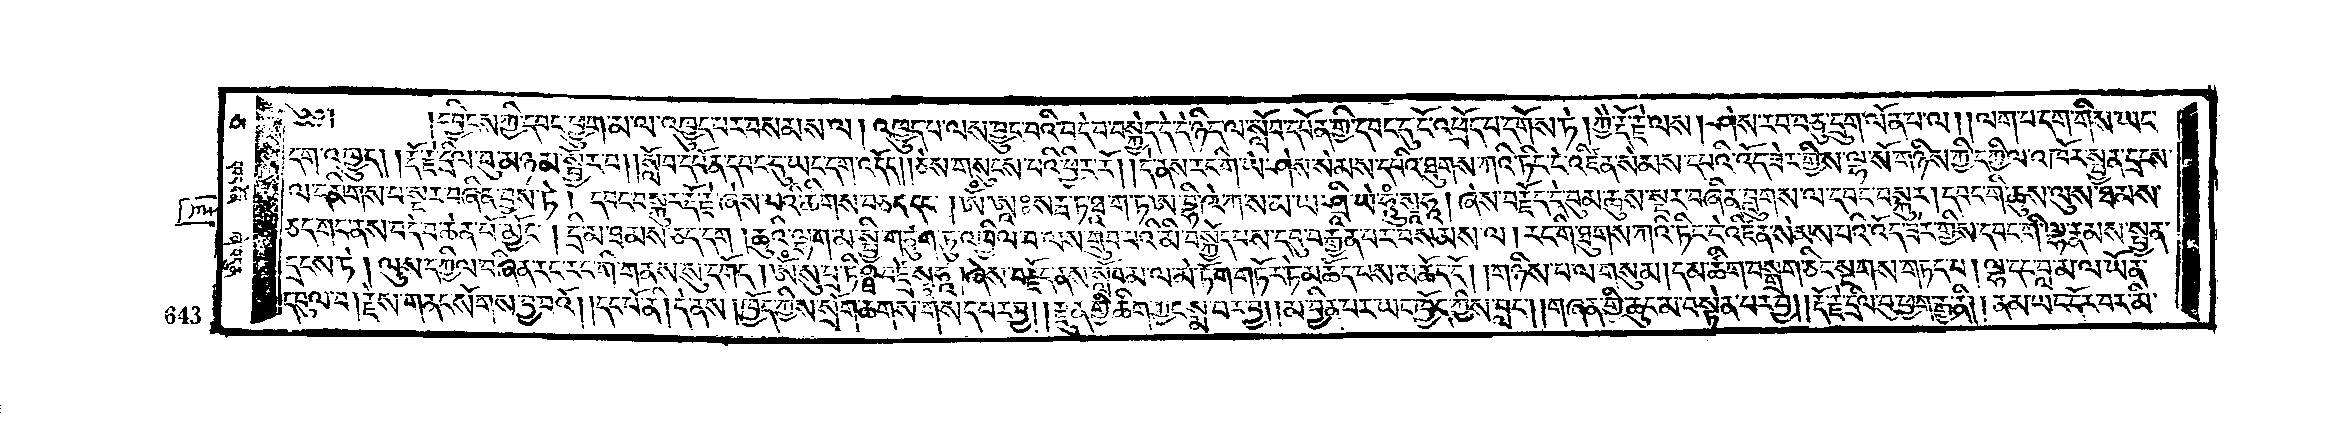༄༅། །དབྱིངས་ཀྱི་དབང་ཕྱུག་མ་ལ་འཁྱུད་པར་བསམས་ལ། འཁྱུད་པ་ལས་བྱུང་བའི་བདེ་བ་བསྐྱེད་དེ་དེ་ཉིད་ལ་སློབ་དཔོན་གྱི་དབང་དུ་ངོ་འཕྲོད་པ་དགོས་ཏེ། ཀྱཻ་རྡོ་རྗེ་ལས། ཤེས་རབ་བཅུ་དྲུག་ལོན་པ་ལ། །ལག་པ་དག་གིས་ཡང་
དག་འཁྱུད། །རྡོ་རྗེ་དྲིལ་བུ་མཉམ་སྦྱོར་བ། །སློབ་དཔོན་དབང་དུ་ཡང་དག་འདོད། །ཅེས་གསུངས་པའི་ཕྱིར་རོ། །དེ་ནས་རང་གི་ཡེ་ཤེས་སེམས་དཔའི་ཐུགས་ཀའི་ཏིང་ངེ་འཛིན་སེམས་དཔའི་འོད་ཟེར་གྱིས་ལྷ་སོ་གཉིས་ཀྱི་དཀྱིལ་འཁོར་སྤྱན་དྲངས་
ལ་དམིགས་པ་སྔར་བཞིན་བྱས་ཏེ། དབང་བསྐུར་རྡོ་རྗེ་ཞེས་པའི་ཚིགས་བཅད་དང་། ཨོཾ་ཨཱཿ སརྦ་ཏ་ཐཱ་ག་ཏ་ཨ་བྷི་ཥེ་ཀ་ས་མ་ཡ་ཤྲཱི་ཡེ་ཧཱུཾ་སྭཱ་ཧཱ། ཞེས་བརྗོད་དེ་བུམ་ཆུས་སྔར་བཞིན་བླུགས་ལ་དབང་བསྐུར། དབང་གི་ཆུས་ལུས་ཐམས་
ཅད་གང་ནས་བདེ་བ་ཆེན་པོ་མྱོང་། དྲི་མ་ཐམས་ཅད་དག །ཆུའི་ལྷག་མ་སྤྱི་གཙུག་ཏུ་འཁྱིལ་བ་ལས་གྲུབ་པའི་མི་བསྐྱོད་པས་དབུ་བརྒྱན་པར་བསམས་ལ། རང་གི་ཐུགས་ཀའི་ཏིང་ངེ་འཛིན་སེམས་པའི་འོད་ཟེར་གྱིས་དབང་གི་ལྷ་རྣམས་སྤྱན་
དྲངས་ཏེ། ལུས་དཀྱིལ་བཞིན་རང་རང་གི་གནས་སུ་དགོད། ཨོཾ་སུ་པྲ་ཏིཥཊཿཨ་བཛྲེ་སྭཱ་ཧཱ། ཞེས་བརྗོད་ནས་སློབ་མ་ལ་མེ་ཏོག་གཏོར་ཏེ་མཆོད་པས་མཆོད་དོ། །གཉིས་པ་ལ་གསུམ། དམ་ཚིག་བསྒྲག་ཅིང་སྔགས་གཏད་པ། ལྷ་དང་བླ་མ་ལ་ཡོན་
དབུལ་བ། རྗེས་གནང་སོགས་བྱ་བའོ། །དང་པོ་ནི། དེ་ནས། ཁྱོད་ཀྱིས་སྲོག་ཆགས་གསད་པར་བྱ། །རྫུན་གྱི་ཚིག་ཀྱང་སྨྲ་བར་བྱ། །མ་བྱིན་པར་ཡང་ཁྱོད་ཀྱིས་བླང་། །གཞན་གྱི་ཆུང་མ་བསྟེན་པར་བྱ། །རྡོ་རྗེ་དྲིལ་བུ་ཕྱག་རྒྱ་ནི། །ནམ་ཡང་དོར་བར་མི་